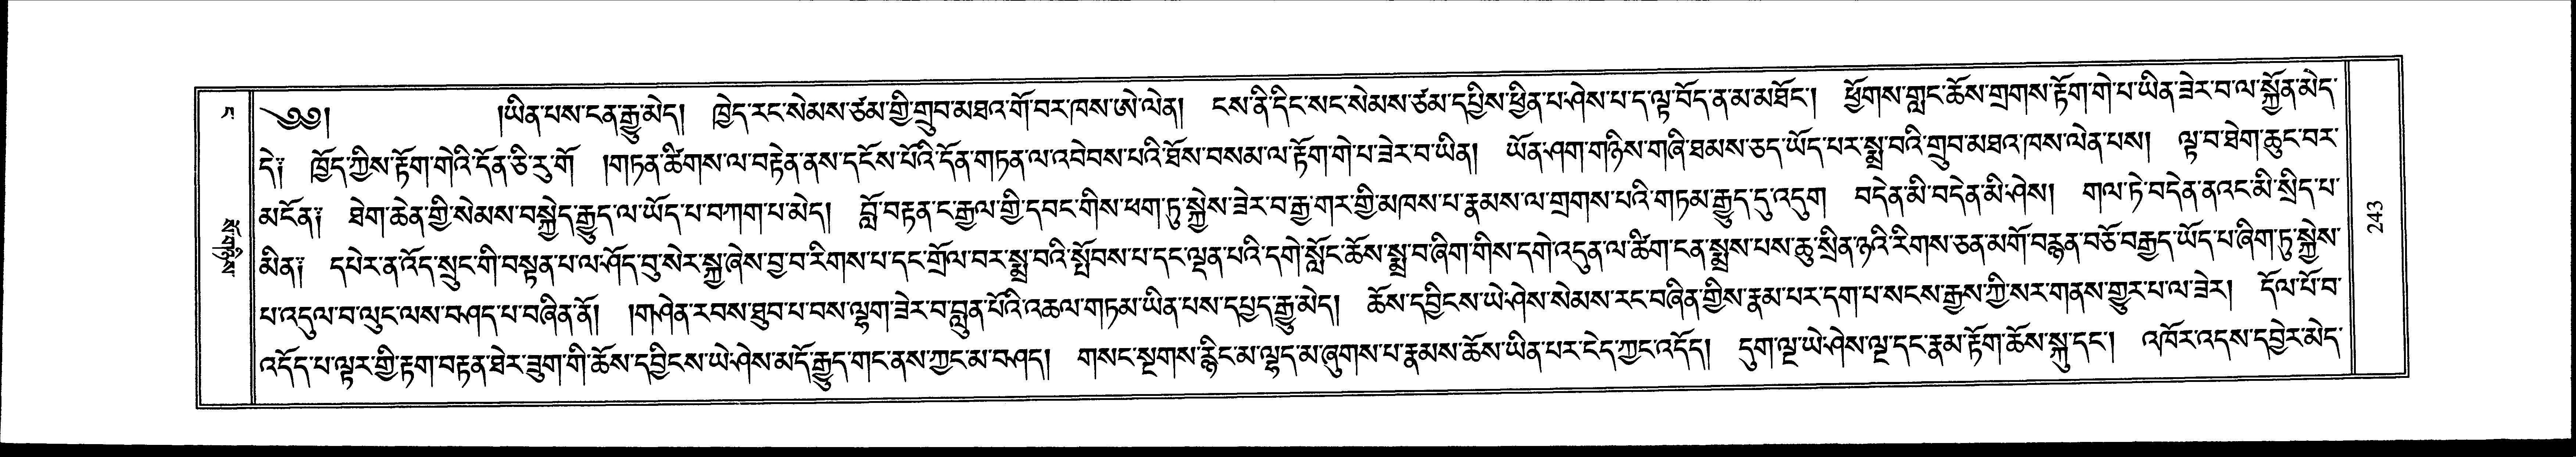༄༅། །ཡིན་པས་ངན་རྒྱུ་མེད། ཁྱེད་རང་སེམས་ཙམ་གྱི་གྲུབ་མཐའ་གོ་བར་ཁས་ཨེ་ལེན། ངས་ནི་དིང་སང་སེམས་ཙམ་དཔྱིས་ཕྱིན་པ་ཤེས་པ་ད་ལྟ་བོད་ན་མ་མཐོང་། ཕྱོགས་གླང་ཆོས་གྲགས་རྟོག་གེ་པ་ཡིན་ཟེར་བ་ལ་སྐྱོན་མེད་
དེ། ཁྱོད་ཀྱིས་རྟོག་གེའི་དོན་ཅི་རུ་གོ །གཏན་ཚིགས་ལ་བརྟེན་ནས་དངོས་པོའི་དོན་གཏན་ལ་འབེབས་པའི་ཐོས་བསམ་ལ་རྟོག་གེ་པ་ཟེར་བ་ཡིན། ཡོན་ཤག་གཉིས་གཞི་ཐམས་ཅད་ཡོད་པར་སྨྲ་བའི་གྲུབ་མཐའ་ཁས་ལེན་པས། ལྟ་བ་ཐེག་ཆུང་བར་
མངོན། ཐེག་ཆེན་གྱི་སེམས་བསྐྱེད་རྒྱུད་ལ་ཡོད་པ་བཀག་པ་མེད། བློ་བརྟན་ང་རྒྱལ་གྱི་དབང་གིས་ཕག་ཏུ་སྐྱེས་ཟེར་བ་རྒྱ་གར་གྱི་མཁས་པ་རྣམས་ལ་གྲགས་པའི་གཏམ་རྒྱུད་དུ་འདུག །བདེན་མི་བདེན་མི་ཤེས། གལ་ཏེ་བདེན་ནའང་མི་སྲིད་པ་
མིན། དཔེར་ན་འོད་སྲུང་གི་བསྟན་པ་ལ་ཤོད་བུ་སེར་སྐྱ་ཞེས་བྱ་བ་རིགས་པ་དང་གྲོལ་བར་སྨྲ་བའི་སྤོབས་པ་དང་ལྡན་པའི་དགེ་སློང་ཆོས་སྨྲ་བ་ཞིག་གིས་དགེ་འདུན་ལ་ཚིག་ངན་སྨྲས་པས་ཆུ་སྲིན་ཉའི་རིགས་ཅན་མགོ་བརྙན་བཅོ་བརྒྱད་ཡོད་པ་ཞིག་ཏུ་སྐྱེས་
པ་འདུལ་བ་ལུང་ལས་བཤད་པ་བཞིན་ནོ། །གཤེན་རབས་ཐུབ་པ་བས་ལྷག་ཟེར་བ་བླུན་པོའི་འཆལ་གཏམ་ཡིན་པས་དཔྱད་རྒྱུ་མེད། ཆོས་དབྱིངས་ཡེ་ཤེས་སེམས་རང་བཞིན་གྱིས་རྣམ་པར་དག་པ་སངས་རྒྱས་ཀྱི་སར་གནས་གྱུར་པ་ལ་ཟེར། དོལ་པོ་བ་
འདོད་པ་ལྟར་གྱི་རྟག་བརྟན་ཐེར་ཟུག་གི་ཆོས་དབྱིངས་ཡེ་ཤེས་མདོ་རྒྱུད་གང་ནས་ཀྱང་མ་བཤད། གསང་སྔགས་རྙིང་མ་ལྷད་མ་ཞུགས་པ་རྣམས་ཆོས་ཡིན་པར་ངེད་ཀྱང་འདོད། དུག་ལྔ་ཡེ་ཤེས་ལྔ་དང་རྣམ་རྟོག་ཆོས་སྐུ་དང་། འཁོར་འདས་དབྱེར་མེད་